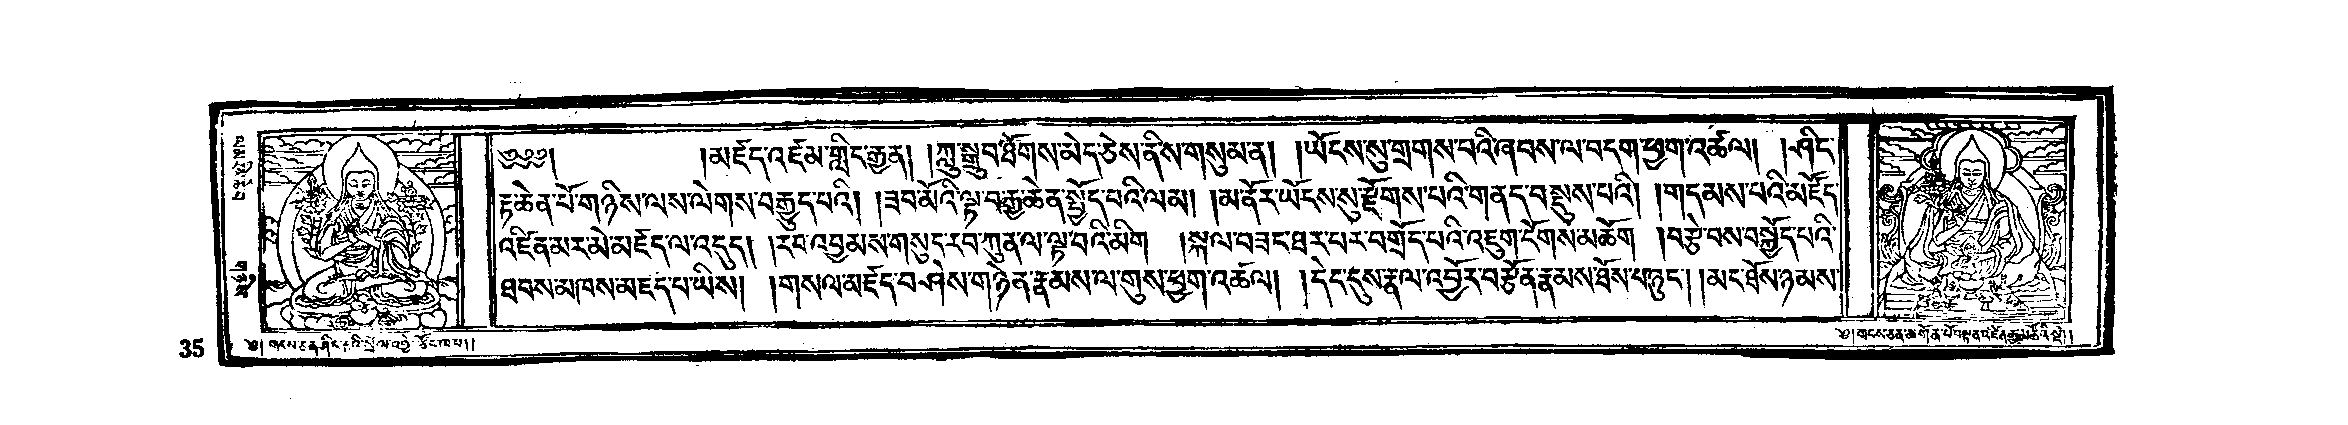རྟ་ཆེན་པོ་གཉིས་ལས་ལེགས་བརྒྱུད་པའི། །ཟབ་མོའི་ལྟ་བ་རྒྱ་ཆེན་སྤྱོད་པའི་ལམ། །མ་ནོར་ཡོངས་སུ་རྫོགས་པའི་གནད་བསྡུས་པའི། །གདམས་པའི་མཛོད་
འཛིན་མར་མེ་མཛད་ལ་འདུད། །རབ་འབྱམས་གསུང་རབ་ཀུན་ལ་ལྟ་བའི་མིག །སྐལ་བཟང་ཐར་པར་བགྲོད་པའི་འཇུག་ངོགས་མཆོག །བརྩེ་བས་བསྐྱོད་པའི་
ཐབས་མཁས་མཛད་པ་ཡིས། །གསལ་མཛད་བཤེས་གཉེན་རྣམས་ལ་གུས་ཕྱག་འཚལ། །དེང་དུས་རྣལ་འབྱོར་བརྩོན་རྣམས་ཐོས་པ་ཉུང་། །མང་ཐོས་ཉམས་